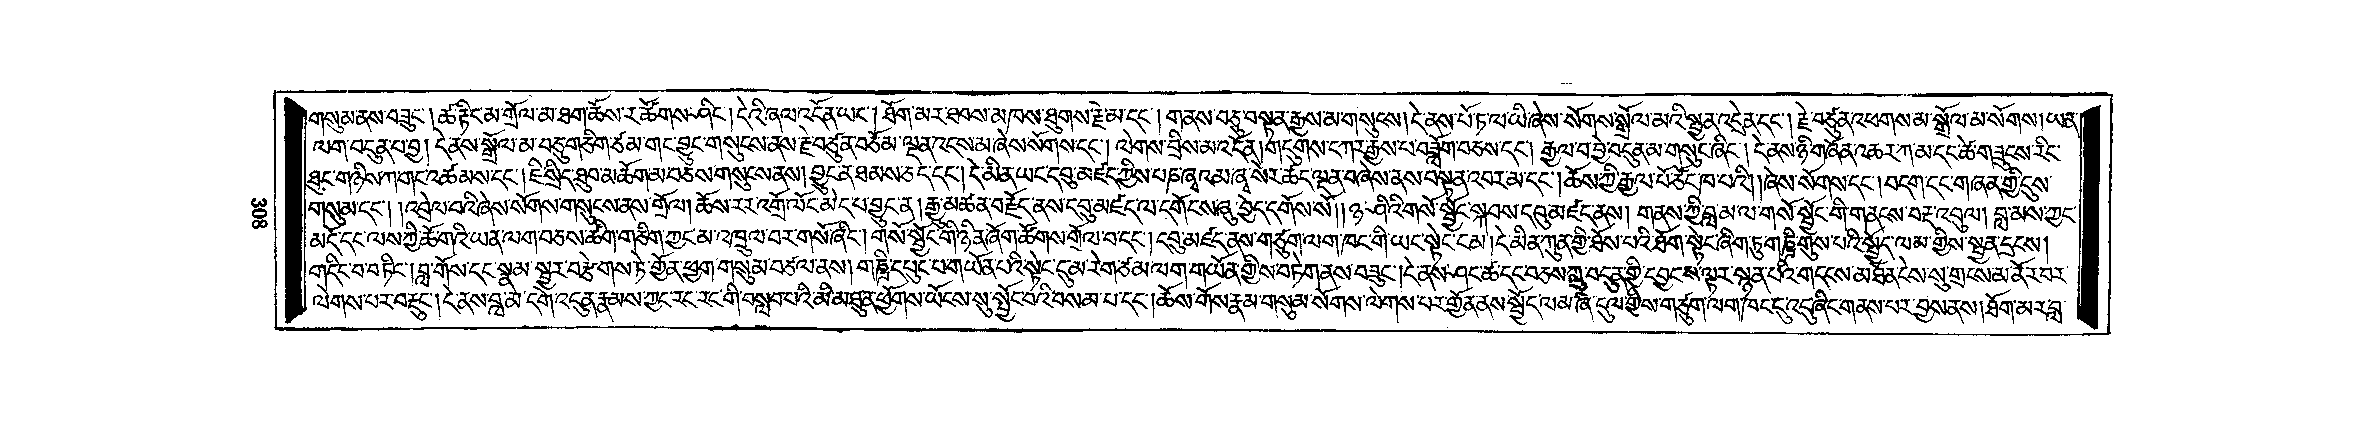གསུམ་ནས་བཟུང་། ཚ་རྟིང་མ་གྲོལ་མ་ཐག་ཆོས་ར་ཚོགས་ཤིང་། དེའི་ཞལ་འདོན་ཡང་། ཐོག་མར་ཐབས་མཁས་ཐུགས་རྗེ་མ་དང་། གནས་བཅུ་བསྟན་རྒྱས་མ་གསུངས། དེ་ནས་པོ་ཏ་ལ་ཡི་ཞེས་སོགས་སྒྲོལ་མའི་སྤྱན་འདྲེན་དང་། རྗེ་བཙུན་འཕགས་མ་སྒྲོལ་མ་སོགས། ཡན་
ལག་བདུན་པ་བྱ། དེ་ནས་སྒྲོལ་མ་བཅུ་གཅིག་ཙམ་གང་བྱུང་གསུངས་ནས་རྗེ་བཙུན་བཅོམ་ལྡན་འདས་མ་ཞེས་སོགས་དང་། ལེགས་བྲིས་མ་འདོན། གདུགས་དཀར་རྒྱས་པ་བཟློག་བཅས་དང་། རྒྱལ་བ་བྱེ་བདུན་མ་གསུང་ཞིང་། དེ་ནས་ཉི་གཞོན་འཆར་ཀ་མ་དང་ཚེ་གཟུངས་རིང་
ཐུང་གཉིས་ཀ་གང་འཚམས་དང་། ཇི་སྲིད་ཐུབ་མཆོག་མ་བཅས་གསུངས་ནས། བྱུང་ན་ཐམས་ཅད་དང་། དེ་མིན་ཡང་དབུ་མཛད་ཀྱིས་པཎ་ཞྭའམ་ཞྭ་སེར་ཚད་ལྡན་བཞེས་ནས་བསྟན་འབར་མ་དང་། ཆོས་ཀྱི་རྒྱལ་པོ་ཙོང་ཁ་པའི། །ཞེས་སོགས་དང་། བདག་དང་གཞན་གྱི་དུས་
གསུམ་དང་། །འབྲེལ་བའི་ཞེས་སོགས་གསུངས་ནས་གྲོལ། ཆོས་རར་འགྲོ་ལོང་མེད་པ་བྱུང་ན། རྒྱུ་མཚན་བརྗོད་ནས་དབུ་མཛད་ལ་དགོངས་ཞུ་བྱེད་དགོས་སོ། །ཉ་ཤིའི་གསོ་སྦྱོང་སྐབས་དབུ་མཛད་ནས། གནས་ཀྱི་བླ་མ་ལ་གསོ་སྦྱོང་གི་གནངས་བརྡ་འབུལ། བླ་མས་ཀྱང་
མདོ་དང་ལས་ཀྱི་ཆོ་གའི་ཡན་ལག་བཅས་ཚིག་གཅིག་ཀྱང་མ་འཁྲུལ་བར་གསོ་ཞིང་། གསོ་སྦྱོང་གི་ཉིན་ཞོག་ཚོགས་གྲོལ་བ་དང་། དབུ་མཛད་ནས་གཙུག་ལག་ཁང་གི་ཡང་སྟེང་ངམ། དེ་མིན་ཀུན་གྱི་ཐོས་པའི་ཐོག་སྟེང་ཞིག་ཏུ་གཎྜི་གུས་པའི་སྤྱོད་ལམ་གྱིས་སྤྱན་དྲངས།
གདིང་བ་བཏིང་། བླ་གོས་དང་སྣམ་སྦྱར་བརྩེགས་ཏེ་གྱོན་ཕྱག་གསུམ་བཙལ་ནས། གཎྜི་དཔུང་པ་གཡོན་པའི་སྟེང་དུ་མ་རེག་ཙམ་ལག་གཡོན་གྱིས་བཏེག་ནས་བཟུང་། དེ་ནས་ཤང་ཚ་དང་བཅས་ཀླུ་བདུན་གྱི་དབྱངས་ལྟར་སྙན་པའི་གདངས་མཐོན་ངེས་སུ་གྲངས་མ་ནོར་བར་
ལེགས་པར་བརྡུང་། དེ་ནས་བླ་མ་དགེ་འདུན་རྣམས་ཀྱང་རང་རང་གི་བསླབ་པའི་མི་མཐུན་ཕྱོགས་ཡོངས་སུ་སྦྱོང་བའི་བསམ་པ་དང་། ཆོས་གོས་རྣམ་གསུམ་སོགས་ལེགས་པར་གྱོན་ནས་སྤྱོད་ལམ་ཞི་དུལ་གྱིས་གཙུག་ལག་ཁང་དུ་འདུ་ཞིང་གནས་པར་བྱས་ནས། ཐོག་མར་བླ་